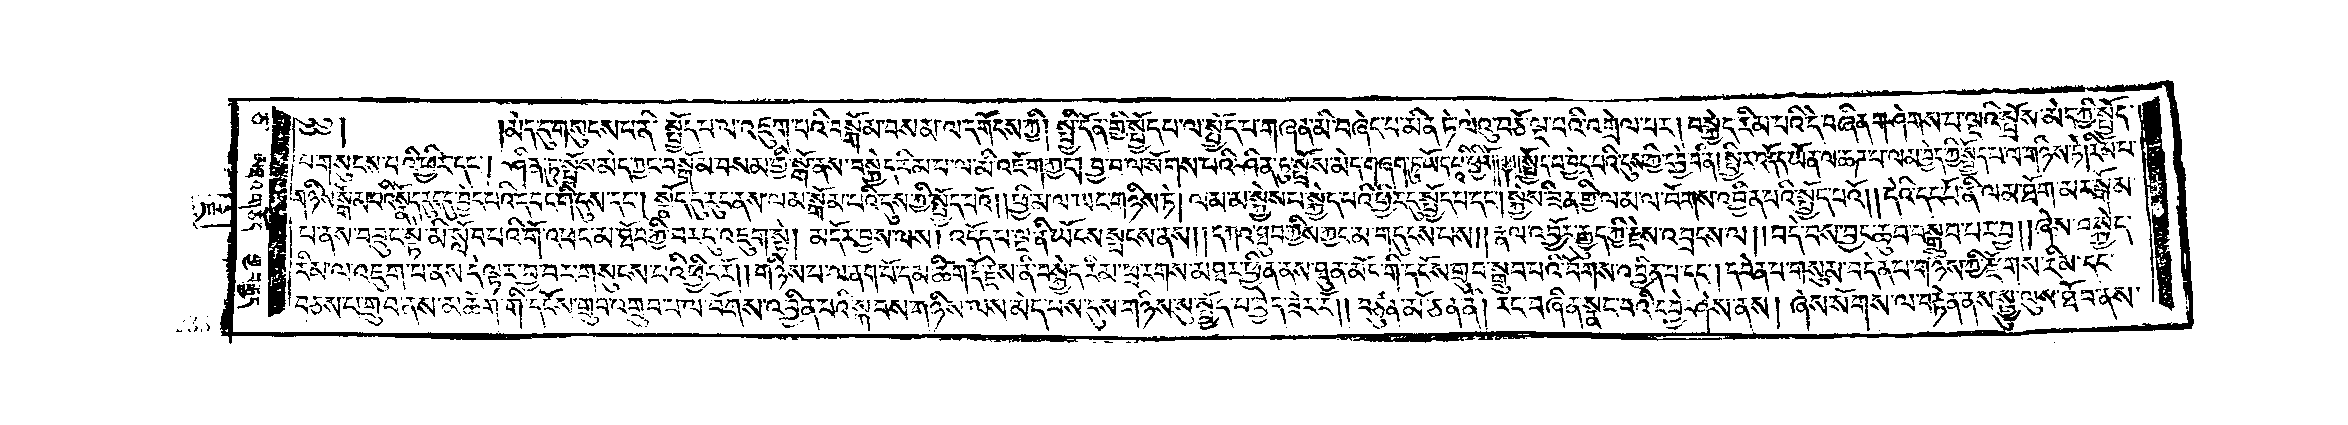༄༅། །མེད་དུ་གསུངས་པ་ནི་སྤྱོད་པ་ལ་འཇུག་པའི་བསྒོམ་བསམ་ལ་དགོངས་ཀྱི། སྤྱི་དོན་གྱི་སྤྱོད་པ་ལ་སྤྱོད་པ་གཞན་མི་བཞེད་པ་མིན་ཏེ་ལེའུ་བཅོ་ལྔ་པའི་འགྲེལ་པར། བསྐྱེད་རིམ་པའི་དེ་བཞིན་གཤེགས་པ་ལྔའི་སྤྲོས་མེད་ཀྱི་སྤྱོད་
པ་གསུངས་པའི་ཕྱིར་དང་། ཤིན་ཏུ་སྤྲོས་མེད་ཀྱང་བསྒོམ་བསམ་གྱི་སྒོ་ནས་བསྐྱེད་རིམ་པ་ལ་མི་འཇོག་ཀྱང་། བྱ་བ་ལ་སོགས་པའི་ཤིན་ཏུ་སྤྲོས་མེད་གཞན་ཏུ་ཡོད་པའི་ཕྱིར་རོ།། ༈ །།སྤྱོད་པ་བྱེད་པའི་དུས་ཀྱི་དབྱེ་བ་ནི། སྤྱིར་འདོད་ཡོན་ལ་ཆགས་པ་ལམ་བྱེད་ཀྱི་སྤྱོད་པ་ལ་གཉིས་ཏེ། རིམ་པ་
གཉིས་སྒོམ་པའི་སྣོད་རུང་དུ་བྱེད་པའི་དབང་གི་དུས་དང་། སྣོད་དུ་རུང་ནས་ལམ་སྒོམ་པའི་དུས་ཀྱི་སྤྱོད་པའོ། །ཕྱི་མ་ལ་ཡང་གཉིས་ཏེ། ལམ་མ་སྐྱེས་པ་སྐྱེད་པའི་ཕྱིར་དུ་སྤྱོད་པ་དང་། སྐྱེས་ཟིན་གྱི་ལམ་ལ་བོགས་འབྱིན་པའི་སྤྱོད་པའོ། །དེའི་དང་པོ་ནི་ལམ་ཐོག་མར་སྒོམ་
པ་ནས་བཟུང་སྟེ་མི་སློབ་པའི་གོ་འཕང་མ་ཐོབ་ཀྱི་བར་དུ་འཇུག་སྟེ། མདོར་བྱས་ལས། འདོད་པ་ལྔ་ནི་ཡོངས་སྤངས་ནས། །དཀའ་ཐུབ་ཀྱིས་ཀྱང་མ་གདུངས་པས། །རྣལ་འབྱོར་རྒྱུད་ཀྱི་རྗེས་འབྲངས་ལ། །བདེ་བས་བྱང་ཆུབ་བསྒྲུབ་པར་བྱ། །ཞེས་བསྐྱེད་
རིམ་ལ་འཇུག་པ་ནས་དེ་ལྟར་བྱ་བར་གསུངས་པའི་ཕྱིར་རོ། །གཉིས་པ་ལ་ནག་པོ་དམ་ཚིག་རྡོ་རྗེས་ནི་བསྐྱེད་རིམ་ཕྲ་རགས་མཐར་ཕྱིན་ནས་ཐུན་མོང་གི་དངོས་གྲུབ་སྒྲུབ་པའི་བོགས་འབྱིན་པ་དང་། དབེན་པ་གསུམ་བདེན་པ་གཉིས་ཀྱི་རྫོགས་རིམ་དང་
བཅས་པ་གྲུབ་ནས་མཆོག་གི་དངོས་གྲུབ་འགྲུབ་པ་ལ་བོགས་འབྱིན་པའི་སྐབས་གཉིས་ལས་མེད་པས་དུས་གཉིས་སུ་སྤྱོད་པ་བྱེད་ཟེར་རོ། །བཙུན་མོ་ཅན་ནི། རང་བཞིན་སྣང་བའི་དབྱེ་ཤེས་ནས། ཞེས་སོགས་ལ་བརྟེན་ནས་སྒྱུ་ལུས་ཐོབ་ནས་